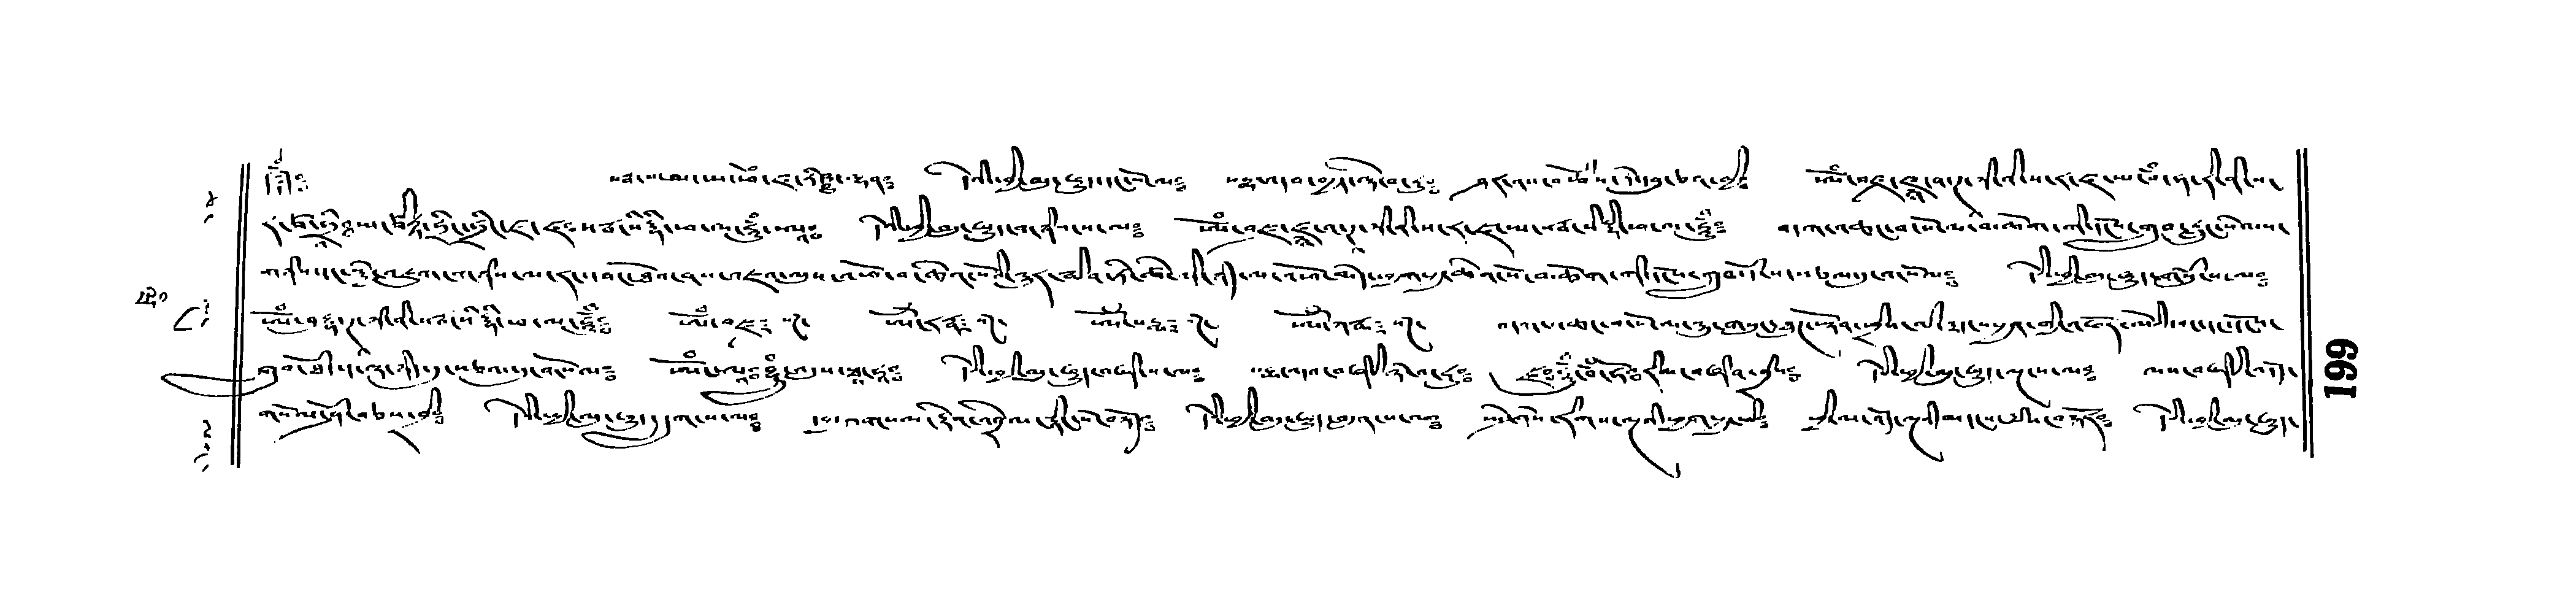སརྦ་ས་མ་ཡ་ཕེཾ་ཛ་ཏིཥྛ་ལྷན༔ དེའི་ཕྱི་མུ་ཁྱུད་དང་པོ་ལ༔ པདྨ་འདབ་བརྒྱད་ལྟེ་བ་རུ༔ ཤར་ནས་བརྩམས་ཏེ་དབུ་ཅན་གྱི༔ ཨོཾ་བཛྲ་ཛྙཱ་ན་ཌཱ་ཀི་ནི་ས་ར་ཛ་ཡ་བྃ་ཧ་རི་ནི་ས་
ར་ཙ་ཧྲཱིཿཡ་ཙིཏྟ་ཧྲིང་ཧྲིང་ཛ་ཛཿསརྦ་སིདྡྷི་ཕ་ལ་སརྦ་སིདྡྷི་ཕ་ལ་ཧཱུྃ་ཨཱཿ དེའི་ཕྱི་མུ་ཁྱུད་གཉིས་པ་ལ༔ ཨོཾ་བཛྲ་ཛྙཱ་ན་ཌཱ་ཀི་ནི་ས་ར་ཛ་ཡ་སརྦ་སིདྡྷི་ཕ་ལ་ཧཱུྃ༔བདག་འཆང་བ་པོ་ལ་མཆོག་གི་དངོས་གྲུབ་རླུང་སེམས་
གཉིས་དང་སྐྱེ་འཇུག་གཉིས་ལ་རང་དབང་ཐོབ་ནས་འཇའ་ལུས་འཕོ་བ་ཆེན་པོའི་སྐུར་སྨིན་ཏེ་ཚེ་འདི་ཉིད་ལ་འཕོ་མེད་ཕྱག་རྒྱ་ཆེན་པོ་མཆོག་གི་དངོས་གྲུབ་དམ་པ་བསྩལ་དུ་གསོལ༔ དེའི་ཕྱི་མུ་ཁྱུད་གསུམ་པ་ལ༔ 
ཨོཾ་བུདྡྷ་ཌཱ་ཀི་ནི་སརྦ་སིདྡྷི་ཕ་ལ་ཧཱུྃ༔ ཨོཾ་བཛྲ༴སོགས། ཨོཾ་རཏྣ༴སོགས། ཨོཾ་པདྨ༴སོགས། ཨོཾ་ཀརྨ༴སོགས། བདག་པ་འཆང་པ་པོ་ལ་སྐུ་གསུང་ཐུགས་ཡོན་ཏན་ཕྲིན་ལས་མི་ཟད་པ་རྒྱན་གྱི་འཁོར་ལོའི་དབང་དང་དངོས་
གྲུབ་ཐམས་ཅད་ད་ལྟ་ཉིད་དུ་བསྩལ་དུ་གསོལ༔ ཨོཾ་ཨཱཿབྷྲཱུྃ་འདུས་སྭཱ་ཧཱ༔ དེའི་ཕྱི་མུ་ཁྱུད་བཞི་པ་ལ༔ པདྨ་འདབ་བཞིའི་ལྟེ་བ་རུ༔ ཛ༔ཧཱུྃ་ཧོཿརིམ་བཞིན་བྲིས༔ དེའི་ཕྱི་མུ་ཁྱུད་ལྔ་པ་ལ༔ ལས་བཞིའི་འདོད་
གསོལ་ཤམ་བཅས་བྲི༔ དེའི་ཕྱི་མུ་ཁྱུད་དྲུག་པ་ལ༔ དབྱངས་གསལ་རྟེན་འབྲེལ་སྙིང་པོ་བཀོད༔ དེའི་ཕྱི་མུ་ཁྱུད་བདུན་པ་ལ༔ ཡེ་ཤེས་རིགས་ལྔའི་ཕྱག་རྒྱ་ཡི༔ ཕྱི་མ་འོད་ལྔའི་མདངས་ཀྱིས་བསྐོར༔ དེའི་ཕྱི་མུ་ཁྱུད་